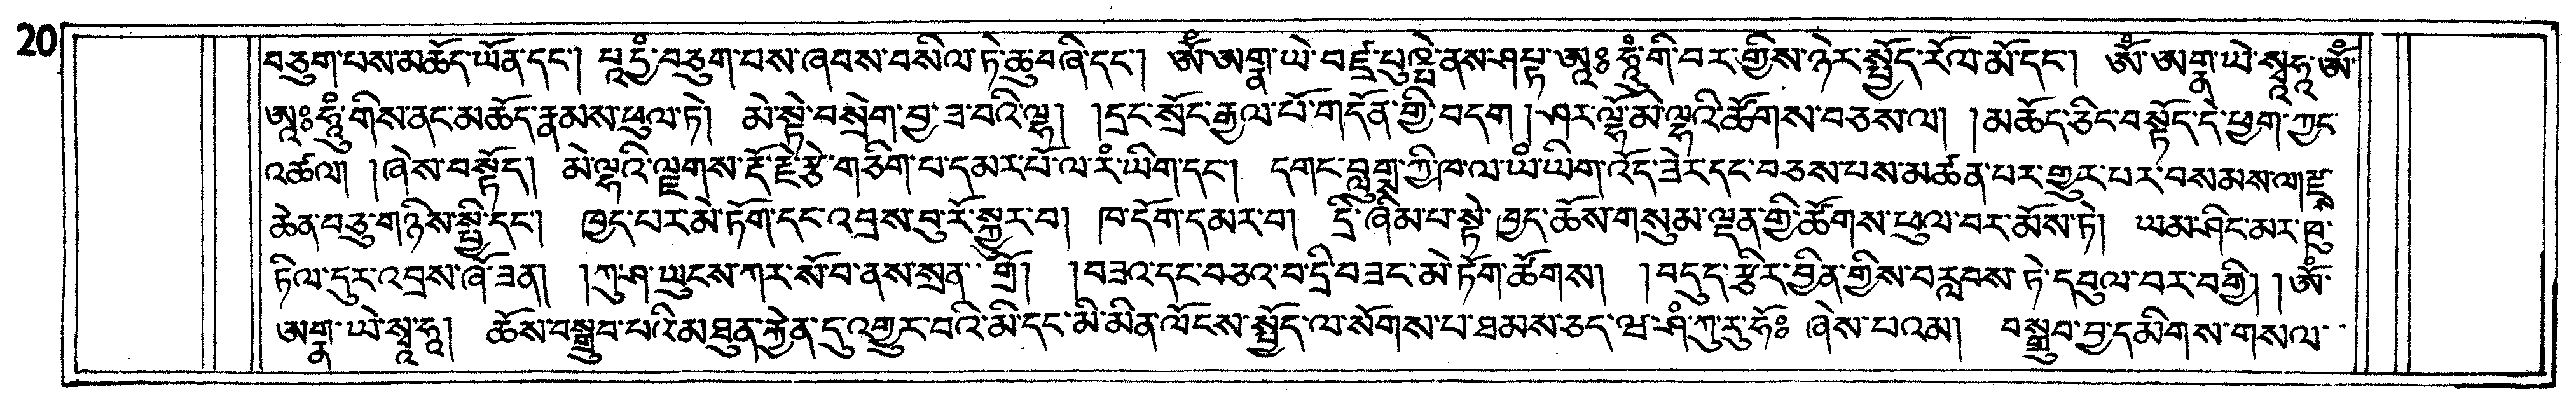བཅུག་པས་མཆོད་ཡོན་དང་། པཱ་དྱཾ་བཅུག་པས་ཞབས་བསིལ་ཏེ་ཆུ་བཞི་དང་། ཨོཾ་ཨགན་ཡེ་བྫྲ་པུཥྤེ་ནས་ཤཔྟ་ཨཱཿ ཧཱུཾ་གི་བར་གྱིས་ཉེར་སྤྱོད་རོལ་མོ་དང་། ཨོཾ་ཨགན་ཡེ་སྭཱ་ཧཱ་ཨོཾ་
ཨཱཿ ཧཱུཾ་གིས་ནང་མཆོད་རྣམས་ཕུལ་ཏེ། མེ་སྟེ་བསྲེག་བྱ་ཟ་བའི་ལྷ། །དྲང་སྲོང་རྒྱལ་པོ་གདོན་གྱི་བདག །ཤར་ལྷོ་མེ་ལྷའི་ཚོགས་བཅས་ལ། །མཆོད་ཅིང་བསྟོད་དེ་ཕྱག་ཀྱང་
འཚལ། །ཞེས་བསྟོད། མེ་ལྷའི་ལྗགས་རྡོ་རྗེ་རྩེ་གཅིག་པ་དམར་པོ་ལ་རཾ་ཡིག་དང་། དགང་བླུགས་ཀྱི་ཁ་ལ་ཡཾ་ཡིག་འོད་ཟེར་དང་བཅས་པས་མཚན་པར་གྱུར་པར་བསམས་ལ། རྫས་
ཆེན་བཅུ་གཉིས་སྤྱི་དང་། ཁྱད་པར་མེ་ཏོག་དང་འབྲས་བུ་རོ་སྐྱུར་བ། ཁ་དོག་དམར་བ། དྲི་ཞིམ་པ་སྟེ་ཁྱད་ཆོས་གསུམ་ལྡན་གྱི་ཚོགས་ཕུལ་བར་མོས་ཏེ། ཡམ་ཤིང་མར་ཁུ་
ཏིལ་དུར་འབྲས་ཞོ་ཟན། །ཀུ་ཤ་ཡུངས་ཀར་སོ་བ་ནས་སྲན་གྲོ། །བཟའ་དང་བཅའ་བ་དྲི་བཟང་མེ་ཏོག་ཚོགས། །བདུད་རྩིར་བྱིན་གྱིས་བརླབས་ཏེ་དབུལ་བར་བགྱི། །ཨོཾ་
ཨགན་ཡེ་སྭཱ་ཧཱ། ཆོས་བསྒྲུབ་པའི་མཐུན་རྐྱེན་དུ་འགྱུར་བའི་མི་དང་མི་མིན་ལོངས་སྤྱོད་ལ་སོགས་པ་ཐམས་ཅད་ཝ་ཤཾ་ཀུ་རུ་ཧོཿ ཞེས་པའམ། བསྒྲུབ་བྱ་དམིགས་གསལ་